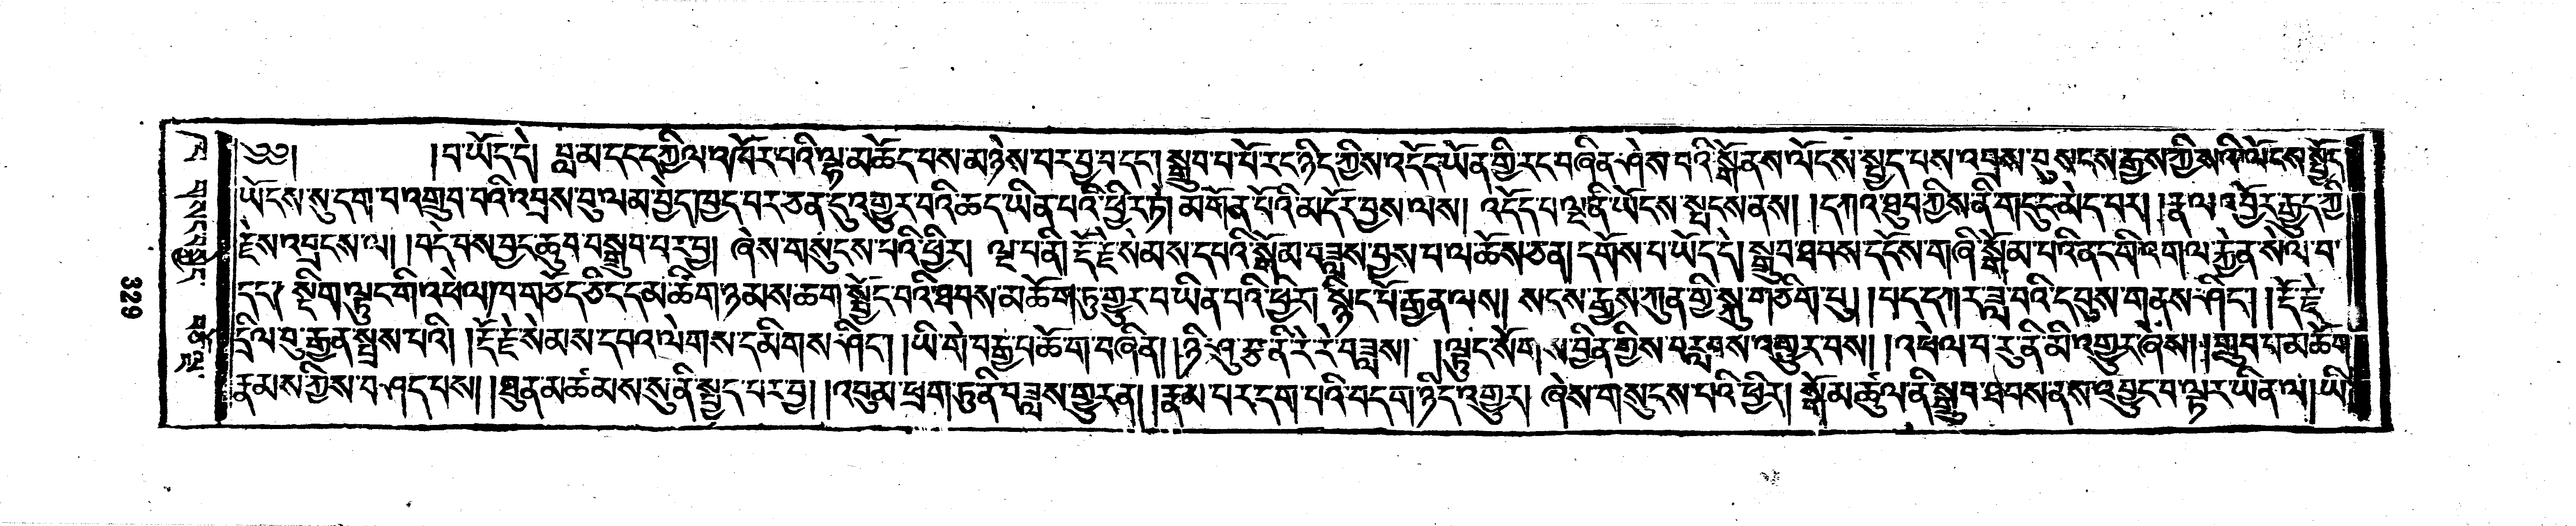༄༅། །པ་ཡོད་དེ། བླ་མ་དང་དཀྱིལ་འཁོར་པའི་ལྷ་མཆོད་པས་མཉེས་པར་བྱ་བ་དང་། སྒྲུབ་པ་པོ་རང་ཉིད་ཀྱིས་འདོད་ཡོན་གྱི་རང་བཞིན་ཤེས་པའི་སྒོ་ནས་ལོངས་སྤྱད་པས་འབྲས་བུ་སངས་རྒྱས་ཀྱི་སའི་ལོངས་སྤྱོད་
ཡོངས་སུ་དག་པ་འགྲུབ་པའི་འབྲས་བུ་ལམ་བྱེད་ཁྱད་པར་ཅན་དུ་འགྱུར་པའི་ཆེད་ཡིན་པའི་ཕྱིར་ཏེ། མགོན་པོའི་མདོར་བྱས་ལས། འདོད་པ་ལྔ་ནི་ཡོངས་སྤངས་ནས། །དཀའ་ཐུབ་ཀྱིས་ནི་གདུང་མེད་པར། །རྣལ་འབྱོར་རྒྱུད་ཀྱི་
རྗེས་འབྲངས་ལ། །བདེ་བས་བྱང་ཆུབ་བསྒྲུབ་པར་བྱ། ཞེས་གསུངས་པའི་ཕྱིར། ལྔ་པ་ནི། རྡོ་རྗེ་སེམས་དཔའི་སྒོམ་བཟླས་བྱས་པ་ལ་ཆོས་ཅན། དགོས་པ་ཡོད་དེ། སྒྲུབ་ཐབས་དངོས་གཞི་སྒོམ་པའི་ནང་གི་འགལ་རྐྱེན་སེལ་བ་
དང༑ སྡིག་ལྟུང་གི་འཕེལ་ཁ་གཅོད་ཅིང་དམ་ཚིག་ཉམས་ཆག་སྤྱོད་པའི་ཐབས་མཆོག་ཏུ་གྱུར་བ་ཡིན་པའི་ཕྱིར། སྙིང་པོ་རྒྱན་ལས། སངས་རྒྱས་ཀུན་གྱི་སྐུ་གཅིག་པུ། །པད་དཀར་ཟླ་བའི་དབུས་གནས་ཤིང་། །རྡོ་རྗེ་
དྲིལ་བུ་རྒྱན་སྦྲས་པའི། །རྡོ་རྗེ་སེམས་དཔའ་ལེགས་དམིགས་ཤིང་། །ཡི་གེ་བརྒྱ་བ་ཆོག་བཞིན། །ཉི་ཤུ་རྩ་ནི་རེ་རེ་བཟླས། །ལྟུང་སོགས་བྱིན་གྱིས་བརླབས་འགྱུར་བས། །འཕེལ་བ་རུ་ནི་མི་འགྱུར་ཞེས། །གྲུབ་པ་མཆོག་
རྣམས་ཀྱིས་བཤད་པས། །ཐུན་མཚམས་སུ་ནི་སྤྱད་པར་བྱ། །འབུམ་ཕྲག་ཏུ་ནི་བཟླས་གྱུར་ན། །རྣམ་པར་དག་པའི་བདག་ཉིད་འགྱུར། ཞེས་གསུངས་པའི་ཕྱིར། སྒོམ་ཚུལ་ནི་སྒྲུབ་ཐབས་ནས་འབྱུང་བ་ལྟར་ཡིན་ལ། ཡི་